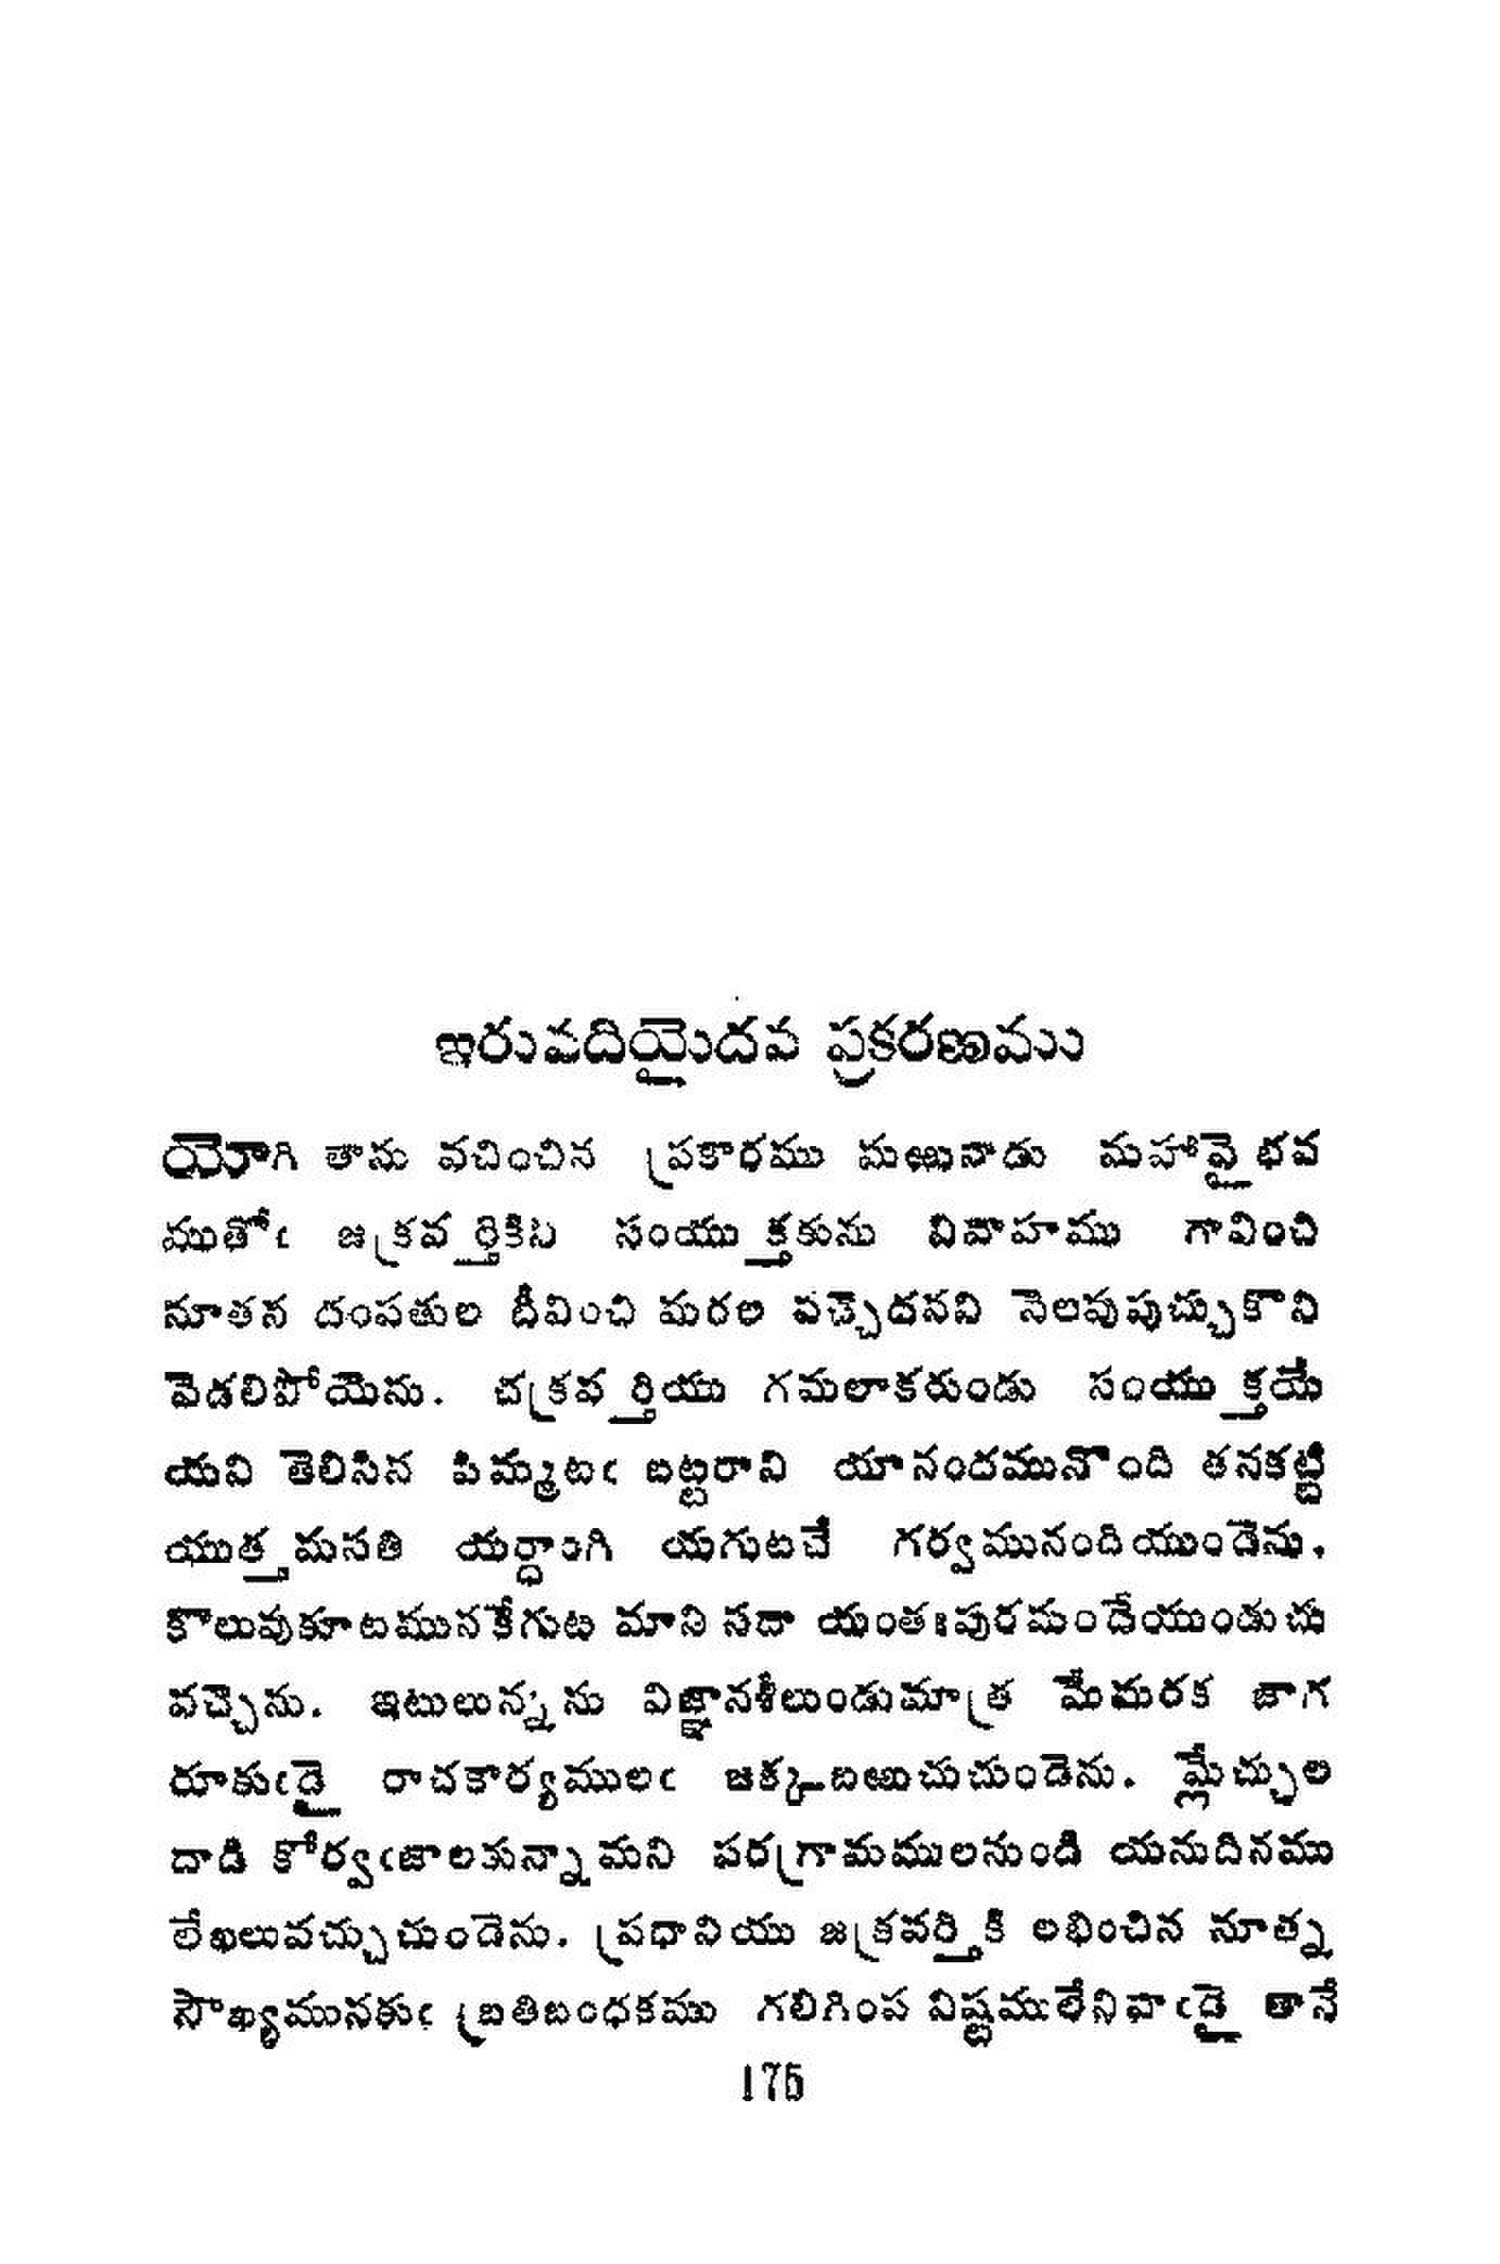ఇరువదియైదవ ప్రకరణము

గి తాను వచించిన ప్రకారము మఱునాడు మహావైభవముతోఁ జక్రవర్తికిని సంయుక్తకును వివాహము గావించి నూతన దంపతుల దీవించి మరల వచ్చెదనని సెలవుపుచ్చుకొని వెడలిపోయెను. చక్రవర్తియు గమలాకరుండు సంయుక్తయే యని తెలిసిన పిమ్మటఁ బట్టరాని యానందమునొంది తనకట్టి యుత్తమసతి యర్ధాంగి యగుటచే గర్వమునందియుండెను, కొలువుకూటమునకేగుట మాని సదా యంతఃపురమందేయుండుచు వచ్చెను. ఇటులున్నను విజ్ఞానశీలుండుమాత్ర మేమరక జాగరూకుఁడై రాచకార్యములఁ జక్కబఱచుచుండెను. మ్లేచ్చుల దాడి కోర్వఁజాలకున్నామని పరగ్రామములనుండి యనుదినము లేఖలువచ్చుచుండెను. ప్రధానియు జక్రవర్తికి లభించిన నూత్న సౌఖ్యమునకుఁ బ్రతిబంధకము గలిగింప నిష్టములేనివాడై తానే